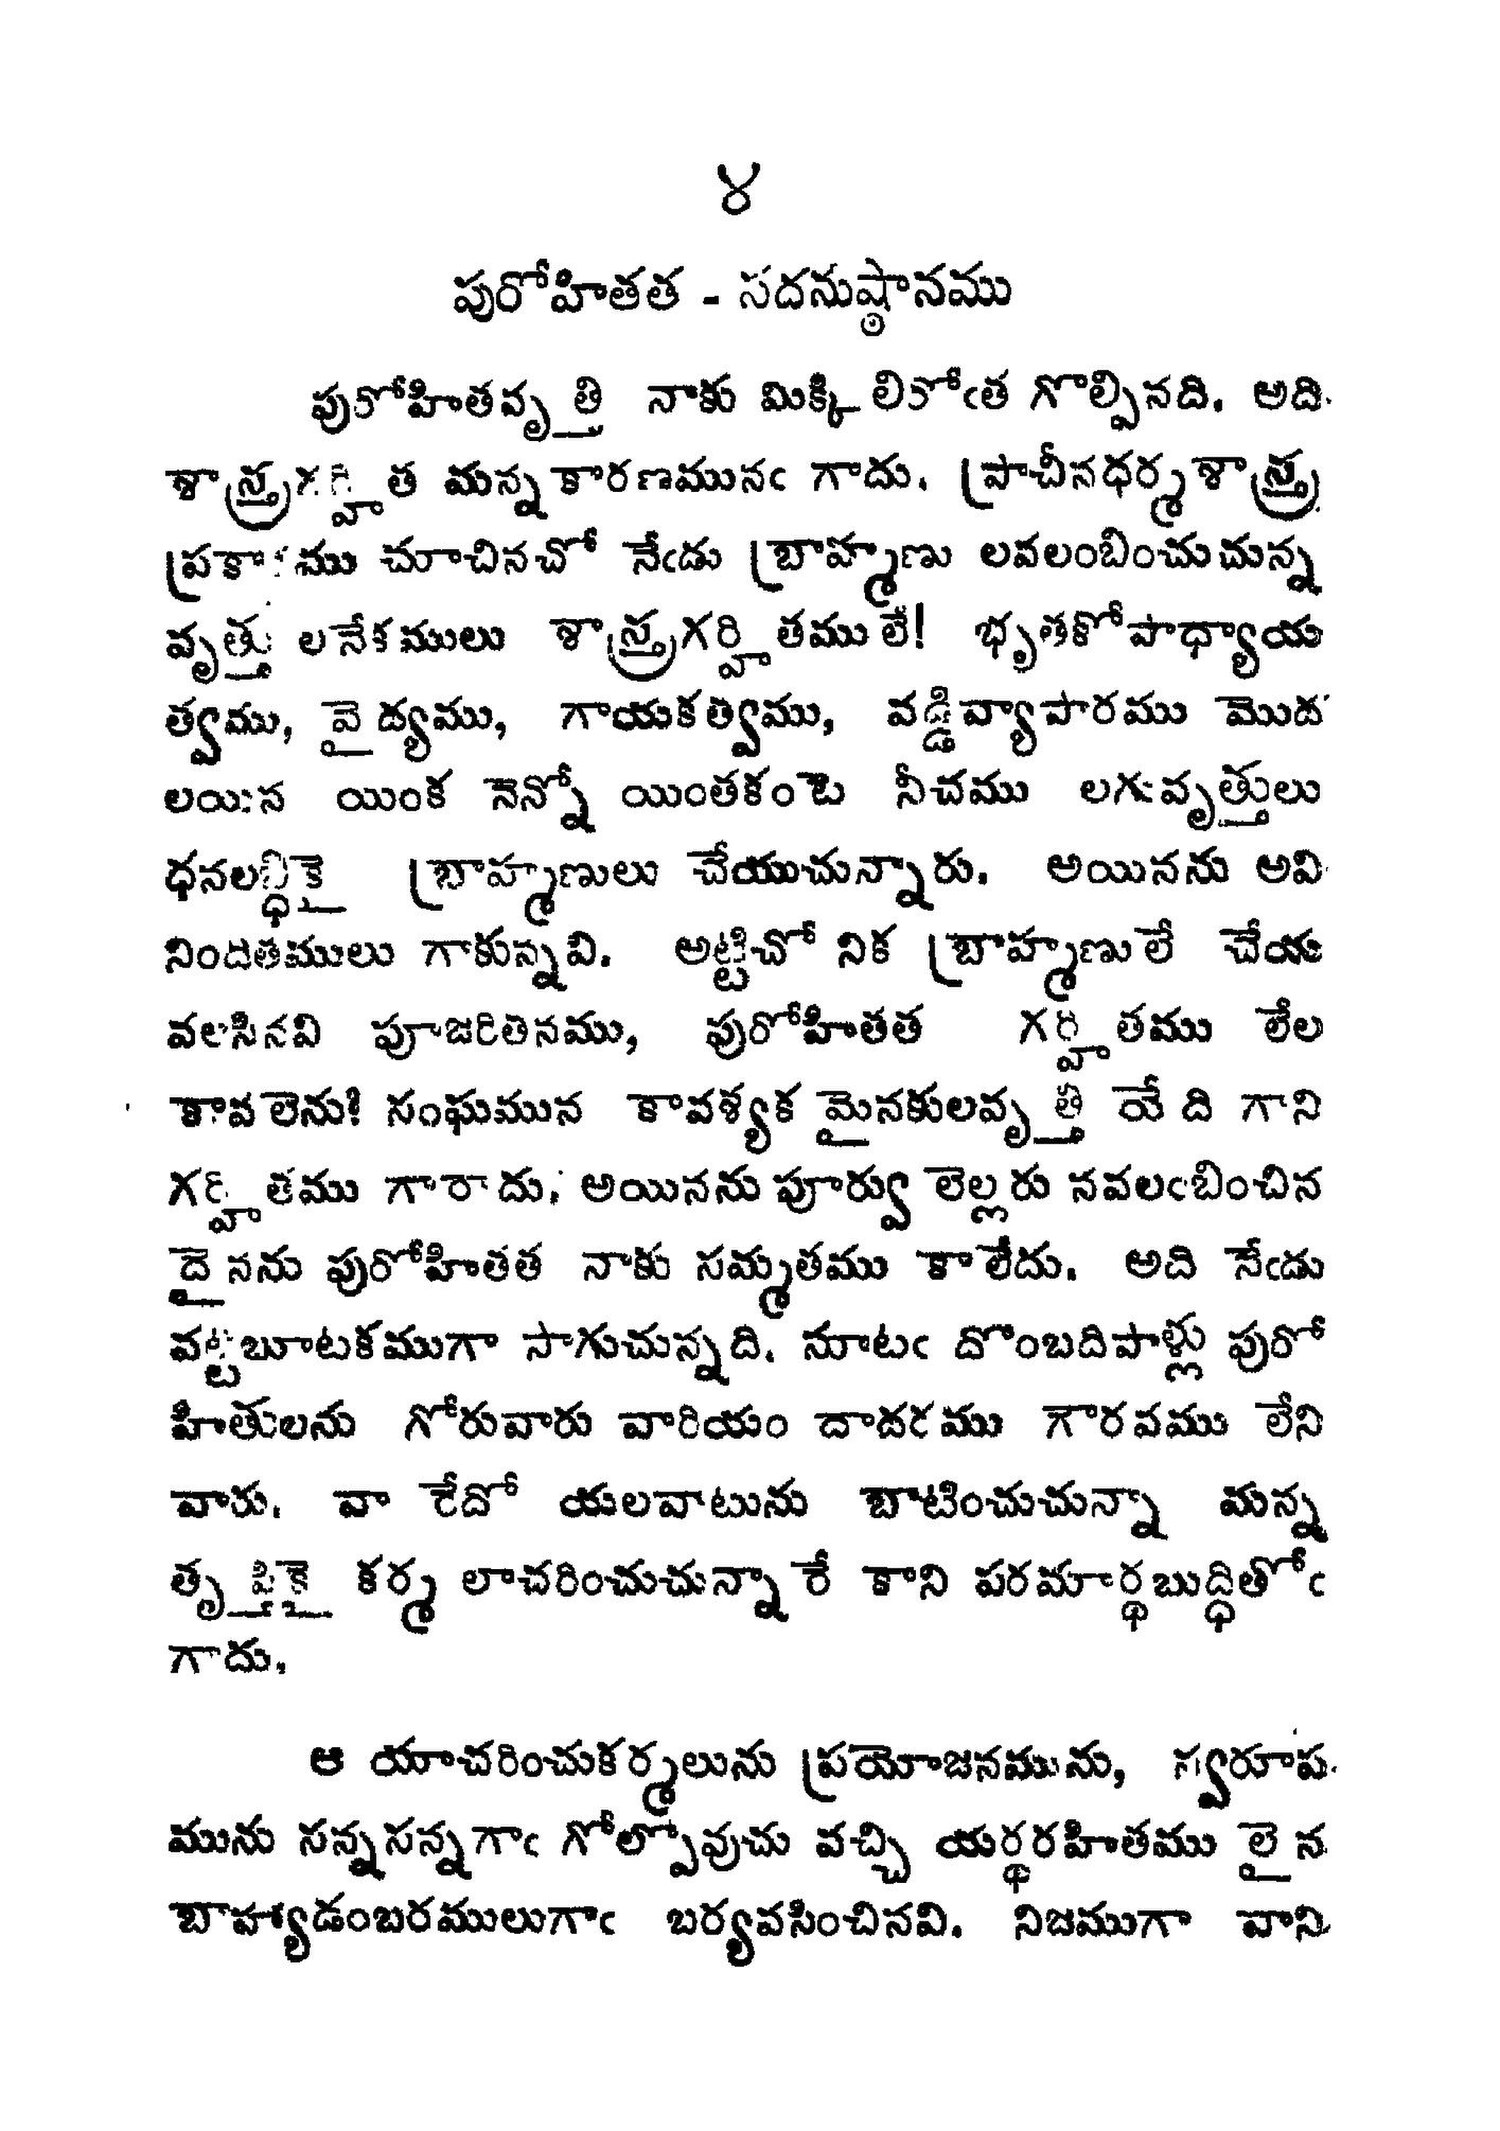పురోహిత వృత్తి నాకు మిక్కిలి రోత గొల్పినది. అది శాస్త్రగర్హిత మాన్నకారణమునఁ గాదు. ప్రాచీనధర్మశాస్త్ర ప్రకారము చూచినచో నేఁడు బ్రాహ్మణు లవంలంబించుచున్న వృత్తు లనేకములు శాస్త్రగర్హితములే! భృతకోపాధ్యాయత్వము, వైద్యము, గాయకత్వము, వడ్డివ్యాపారము మొదలయిన యింక నెన్నో యింతకంటే నీచము అగువృత్తులు ధనలభ్దికి బ్రాహ్మణులు చేయుచున్నారు. అయినను అవి నిందితములు గాకున్నవి. అట్టిచో నిక బ్రాహ్మణులే చేయవలసినవి పూజరితనము. పురోహితత గర్హితము లేలకావలెను? సంఘమున కావశ్యక మైనకులవృత్తి యేది గాని గర్హితము గారాదు. అయినను పూర్వులెల్లరు నవలంబిం చిన దైనను పురోహితత నాకు సమ్మతము కాలేదు. అది నేఁడు వట్టిబూటకముగా సాగుచున్నది. నూటఁ దొంబదిపాళ్ళు పురోహితులను గోరువారు వారియం దాదరము గౌరవము లేని వారు. ఏదో యలవాటున బాటించుచున్నా మన్న తృప్తికై కర్మలాచరించుచున్నారే కాని పరమార్ధబుద్ధితోఁగాదు.

ఆ యాచరించుకర్మలును ప్రయోజనమును, సన్నసన్న గాఁ గోల్పోవుచు వచ్చి యర్ధరహితములైన బాహ్యడంబరములుగాఁ బర్యవసించినవి. నిజముగా వాని